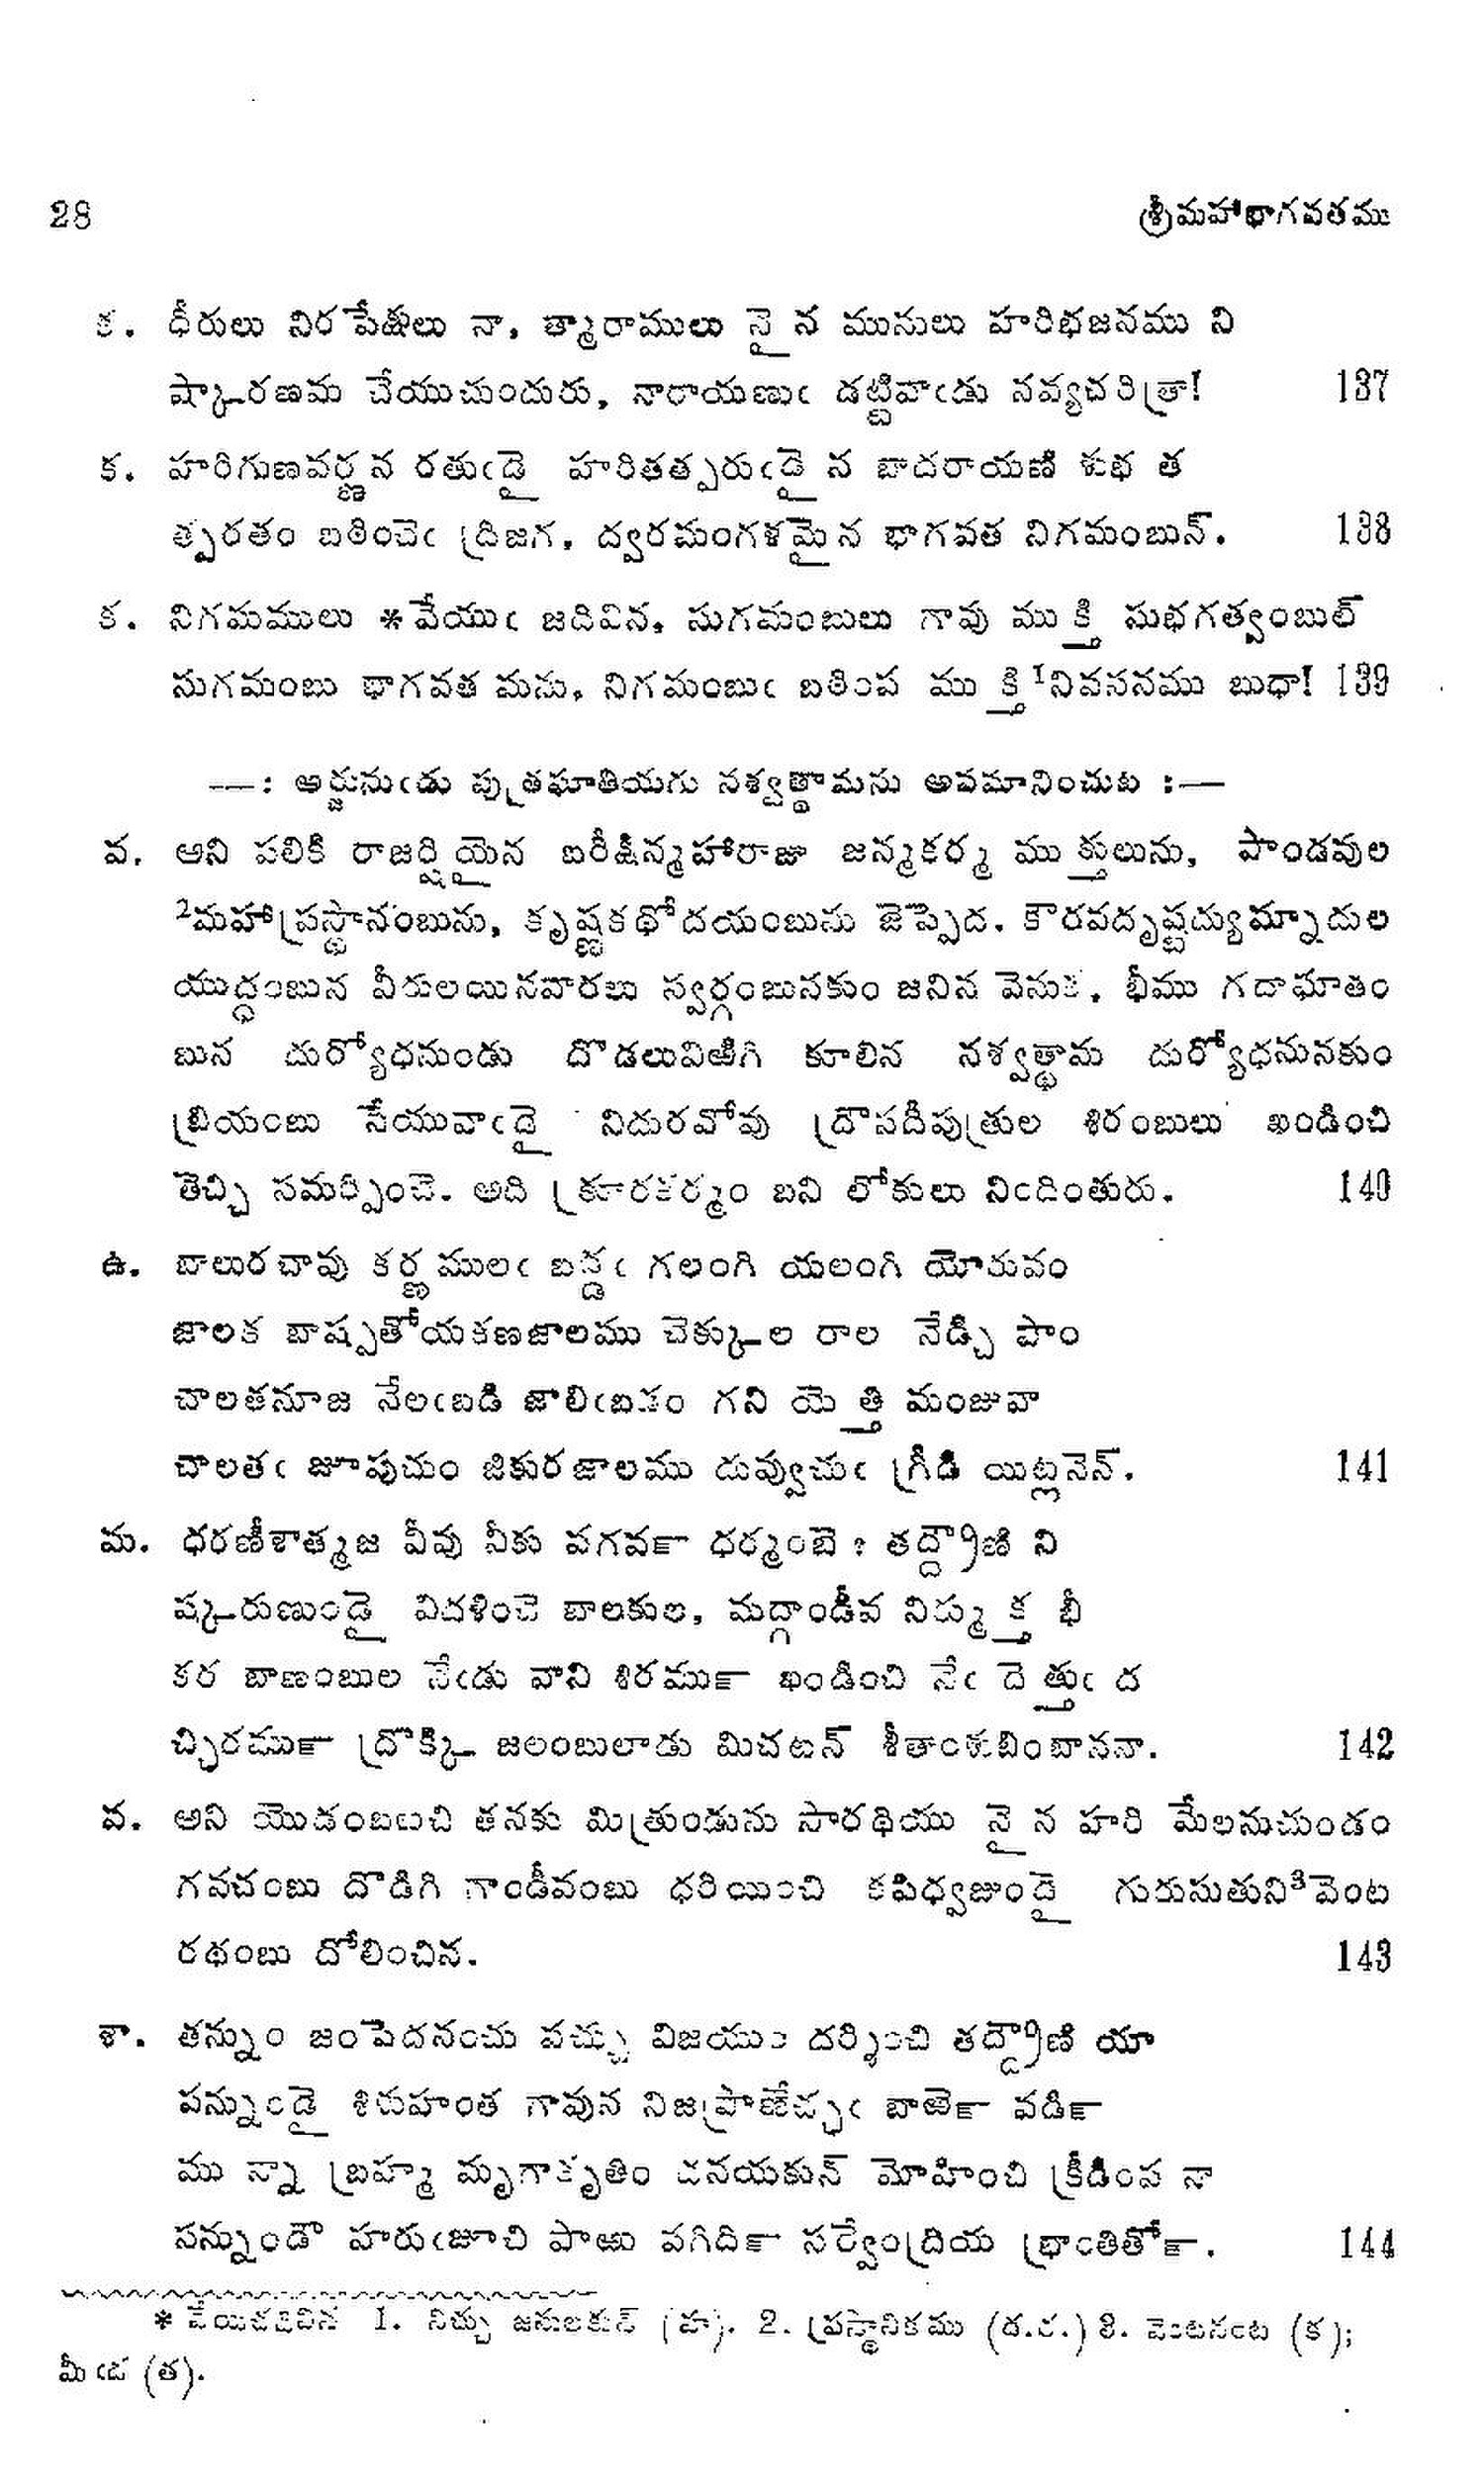28

కం. ధీరులు నిరపేక్షులు నా, త్మారాములు నైన మునులు హరిభజనము ని

ష్కారణమ చేయుచుందురు, నారాయణుఁ డట్టివాఁడు నవ్యచరిత్రా ! (1-137)

కం. హరిగుణ వర్ణన రతుఁడై, హరితత్పరుఁడైన బాదరాయణి శుభ త

త్పరతం బఠించెఁ ద్రిజగద్, వరమంగళమైన భాగవత నిగమంబున్. (1-138)

కం. నిగమంబులు వేయుఁ జదివిన, సుగమంబులు గావు ముక్తిసుభగత్వంబుల్

సుగమంబు భాగవతమను, నిగమంబుఁ బఠింప ముక్తి నివసనము బుధా ! (1-139)

వ. అని పలికి, రాజర్షియైన పరీక్షిన్మహారాజు జన్మకర్మముక్తులును, బాండవుల మహాప్రస్థానంబును, గృష్ణకథోదయంబును జెప్పెద. కౌరవ దృష్టద్యుమ్నాదుల యుద్ధంబున వీరులయినవారలు స్వర్గమునకుం జనిన వెనుక, భీము గదాఘాతంబున దుర్యోధనుండు తొడలు విఱిగి కూలిన నశ్వత్థామ దుర్యోధనునకుం బ్రియంబు సేయువాఁడై నిదురవోవు ద్రౌపదీపుత్త్రుల శిరంబులు ఖండించి తెచ్చి సమర్పించె. అది క్రూరకర్మంబని లోకులు నిందింతురు. (1-140)

ఉ. బాలుర చావు కర్మములఁ బడ్డఁ గలంగి యలంగి యోరువం

జాలక బాష్పతోయ కణజాలము చెక్కుల రాల నేడ్చి పాం

చాల తనూజ నేలఁ బడి జాలిబడం గని యెత్తి మంజు వా

చాలతఁ జూపుచుం జికుర జాలము దువ్వుచుఁ గ్రీడి యిట్లనెన్. (1-141)

మ. ధరణీశాత్మజ వీవు నీకు వగవన్ ధర్మంబె ? తద్ద్రౌణి ని

ష్కరుణుండై విదళించె బాలకుల ; మద్గాండీవ నిర్ముక్త భీ

కర బాణంబుల నేఁడు వాని శిరంబున్ ఖండించి నేఁ దెత్తుఁ ద

చ్ఛిరముం ద్రొక్కి జలంబులాడు మిచటన్ శీతాంశు బింబాననా ! (1-142)

వ. అని యొడంబఱచి తనకు మిత్త్రుండును సారథియు నైన హరి మేలనుచుండం గవచంబు దొడిగి గాండీవంబు ధరించి కపిధ్వజుండై గురుసుతుని వెంట రథంబుఁ దోలించిన. (1-143)

శా. తన్నుం జంపెద నంచు వచ్చు విజయున్ దర్శించి తద్ద్రౌణి యా

పన్నుండై శిశుహంత గావున నిజ ప్రాణేచ్ఛఁ బాఱెన్ వడిన్

మున్నా బ్రహ్మ మృగాకృతిం దనయకున్ మోహించి క్రీడింప నా

సన్నుండౌ హరుఁ జూచి పాఱు పగిదిన్ సర్వేంద్రియ భ్రాంతితోన్. (1-144)